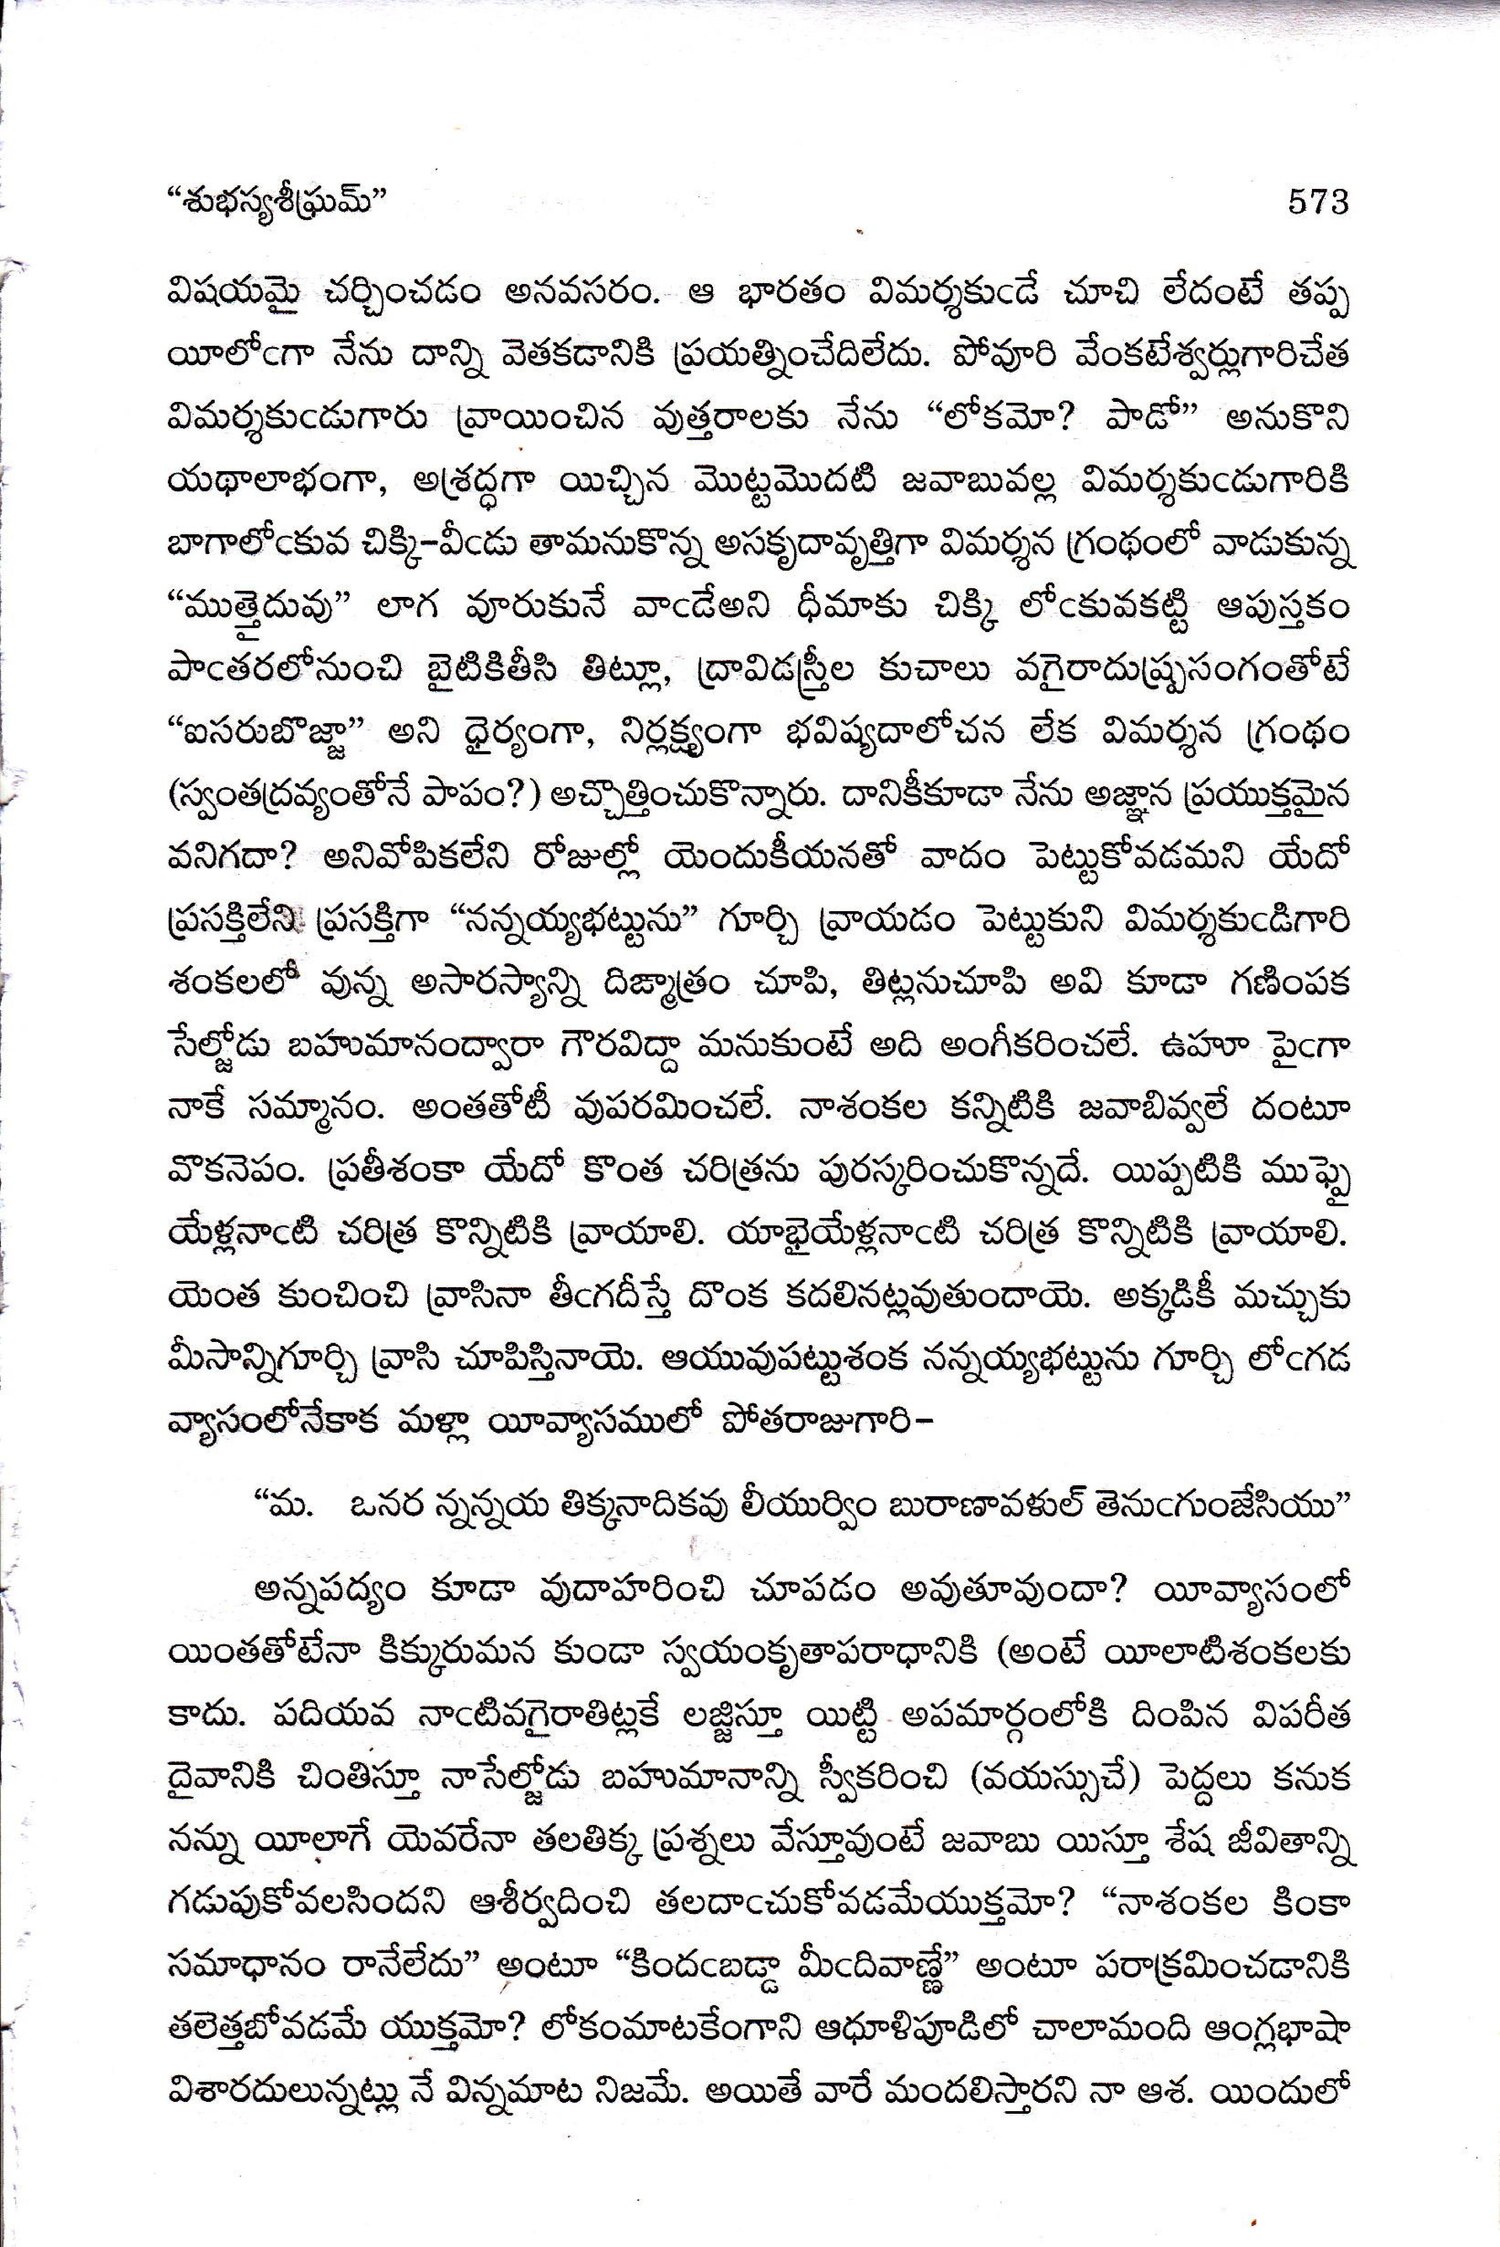విషయమై చర్చించడం అనవసరం. ఆ భారతం విమర్శకుఁడే చూచి లేదంటే తప్ప యీలోఁగా నేను దాన్ని వెతకడానికి ప్రయత్నించేదిలేదు. పోవూరి వేంకటేశ్వర్లుగారిచేత విమర్శకుఁడుగారు వ్రాయించిన వుత్తరాలకు నేను "లోకమో? పాడో" అనుకొని యథాలాభంగా, అశ్రద్ధగా యిచ్చిన మొట్టమొదటి జవాబువల్ల విమర్శకుఁడుగారికి బాగాలోఁకువ చిక్కి-వీఁడు తామనుకొన్న అసకృదావృత్తిగా విమర్శన గ్రంథంలో వాడుకున్న “ముత్తైదువు" లాగ వూరుకునే వాఁడేఅని ధీమాకు చిక్కి లోఁకువకట్టి ఆపుస్తకం పాఁతరలోనుంచి బైటికితీసి తిట్లూ, ద్రావిడస్త్రీల కుచాలు వగైరాదుష్ప్రసంగంతోటే “ఐసరుబొజ్జా" అని ధైర్యంగా, నిర్లక్ష్యంగా భవిష్యదాలోచన లేక విమర్శన గ్రంథం (స్వంతద్రవ్యంతోనే పాపం?) అచ్చొత్తించుకొన్నారు. దానికీకూడా నేను అజ్ఞాన ప్రయుక్తమైన వనిగదా? అనివోపికలేని రోజుల్లో యెందుకీయనతో వాదం పెట్టుకోవడమని యేదో ప్రసక్తిలేని ప్రసక్తిగా “నన్నయ్యభట్టును" గూర్చి వ్రాయడం పెట్టుకుని విమర్శకుఁడిగారి శంకలలో వున్న అసారస్యాన్ని దిజ్మాత్రం చూపి, తిట్లనుచూపి అవి కూడా గణింపక సేల్జోడు బహుమానంద్వారా గౌరవిద్దా మనుకుంటే అది అంగీకరించలే. ఉహూ పైఁగా నాకే సమ్మానం. అంతతోటీ వుపరమించలే. నాశంకల కన్నిటికి జవాబివ్వలే దంటూ వొకనెపం. ప్రతీశంకా యేదో కొంత చరిత్రను పురస్కరించుకొన్నదే. యిప్పటికి ముఫ్పై యేళ్లనాఁటి చరిత్ర కొన్నిటికి వ్రాయాలి. యాభైయేళ్లనాఁటి చరిత్ర కొన్నిటికి వ్రాయాలి. యెంత కుంచించి వ్రాసినా తీఁగదీస్తే దొంక కదలినట్లవుతుందాయె. అక్కడికీ మచ్చుకు మీసాన్నిగూర్చి వ్రాసి చూపిస్తినాయె. ఆయువుపట్టుశంక నన్నయ్యభట్టును గూర్చి లోఁగడ వ్యాసంలోనేకాక మళ్లా యీవ్యాసములో పోతరాజుగారి-

“మ. ఒనర న్నన్నయ తిక్కనాదికవు లీయుర్విం బురాణావళుల్ తెనుఁగుంజేసియు”

అన్నపద్యం కూడా వుదాహరించి చూపడం అవుతూవుందా? యీవ్యాసంలో యింతతోటేనా కిక్కురుమన కుండా స్వయంకృతాపరాధానికి (అంటే యీలాటిశంకలకు కాదు. పదియవ నాఁటివగైరాతిట్లకే లజ్జిస్తూ యిట్టి అపమార్గంలోకి దింపిన విపరీత దైవానికి చింతిస్తూ నాసేల్జోడు బహుమానాన్ని స్వీకరించి (వయస్సుచే) పెద్దలు కనుక నన్ను యీలాగే యెవరేనా తలతిక్క ప్రశ్నలు వేస్తూవుంటే జవాబు యిస్తూ శేష జీవితాన్ని గడుపుకోవలసిందని ఆశీర్వదించి తలదాఁచుకోవడమేయుక్తమో? “నాశంకల కింకా సమాధానం రానేలేదు" అంటూ "కిందఁబడ్డా మీఁదివాణ్ణే" అంటూ పరాక్రమించడానికి తలెత్తబోవడమే యుక్తమో? లోకంమాటకేంగాని ఆధూళిపూడిలో చాలామంది ఆంగ్లభాషా విశారదులున్నట్లు నే విన్నమాట నిజమే. అయితే వారే మందలిస్తారని నా ఆశ. యిందులో